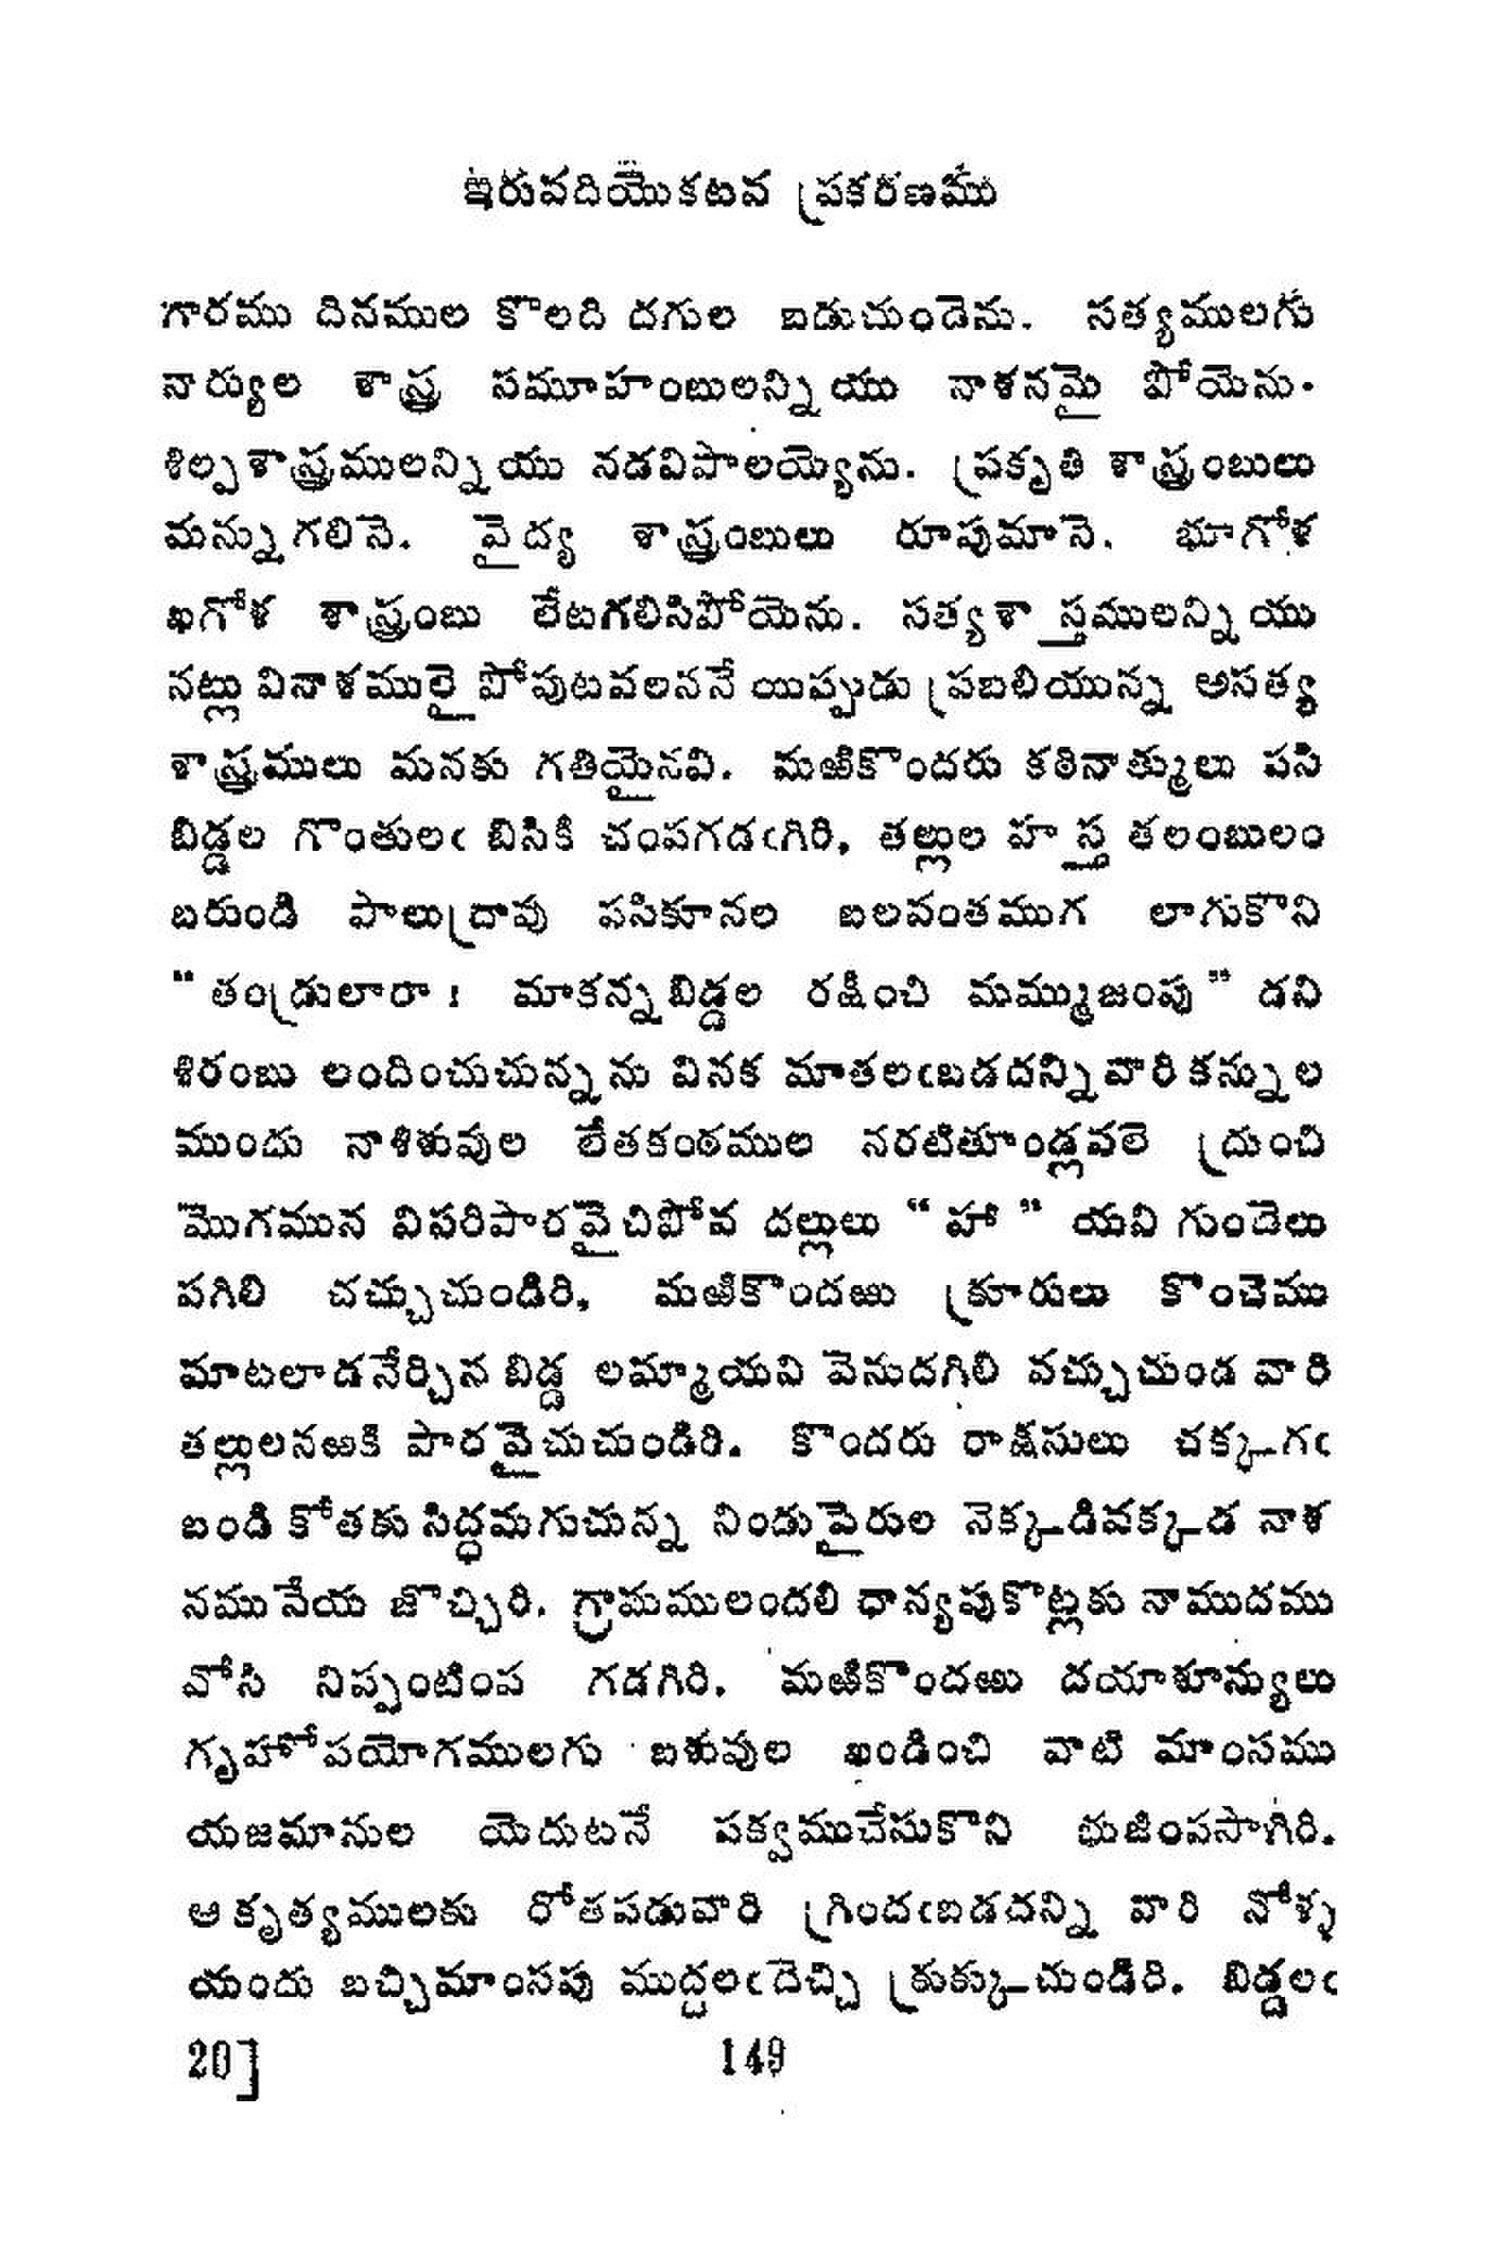గారము దినముల కొలది దగుల బడుచుండెను. సత్యములగు నార్యుల శాస్త్ర సమూహంబులన్నియు నాశనమై పోయెను. శిల్పశాస్త్రములన్నియు నడవిపాలయ్యెను. ప్రకృతి శాస్త్రంబులు మన్ను గలిసె. వైద్య శాస్త్రంబులు రూపుమాసె, భూగోళ ఖగోళ శాస్త్రంబు లేటగలిసిపోయెను. సత్యశాస్త్రములన్నియు నట్లు వినాశములై పోవుటవలననే యిప్పుడు ప్రబలియున్న అసత్య శాస్త్రములు మనకు గతియైనవి. మఱి కొందరు కఠినాత్ములు పసిబిడ్డల గొంతులఁ బిసికి చంపగడఁగిరి. తల్లుల హస్త తలంబులం బరుండి పాలుద్రావు పసికూనల బలవంతముగ లాగుకొని "తండ్రులారా! మాకన్న బిడ్డల రక్షించి మమ్ముజంపు" డని శిరంబు లందించుచున్నను వినక మాతలఁబడదన్ని వారి కన్నుల ముందు నాశిశువుల లేతకంఠముల నరటితూండ్లవలె ద్రుంచి మొగమున విసరిపారవైచిపోవ దల్లులు “హా" యని గుండెలు పగిలి చచ్చుచుండిరి. మఱికొందఱు క్రూరులు కొంచెము మాటలాడనేర్చిన బిడ్డ లమ్మాయవి వెనుదగిలి వచ్చుచుండ వారి తల్లులనఱకి పారవైచుచుండిరి. కొందరు రాక్షసులు చక్కగఁ బండి కోతకు సిద్ధమగుచున్న నిండుపైరుల నెక్కడివక్కడ నాశనము సేయ జొచ్చిరి. గ్రామములందలి ధాన్యపుకొట్లకు నాముదము వోసి నిప్పంటింప గడగిరి. మఱికొందఱు దయాశూన్యులు గృహోపయోగములగు బశువుల ఖండించి వాటి మాంసము యజమానుల యెదుటనే పక్వముచేసుకొని భుజింపసాగిరి. ఆకృత్యములకు రోతపడువారి గ్రిందఁబడదన్ని వారి నోళ్ళ యందు బచ్చిమాంసపు ముద్దలఁదెచ్చి క్రుక్కుచుండిరి. బిడ్డలఁ